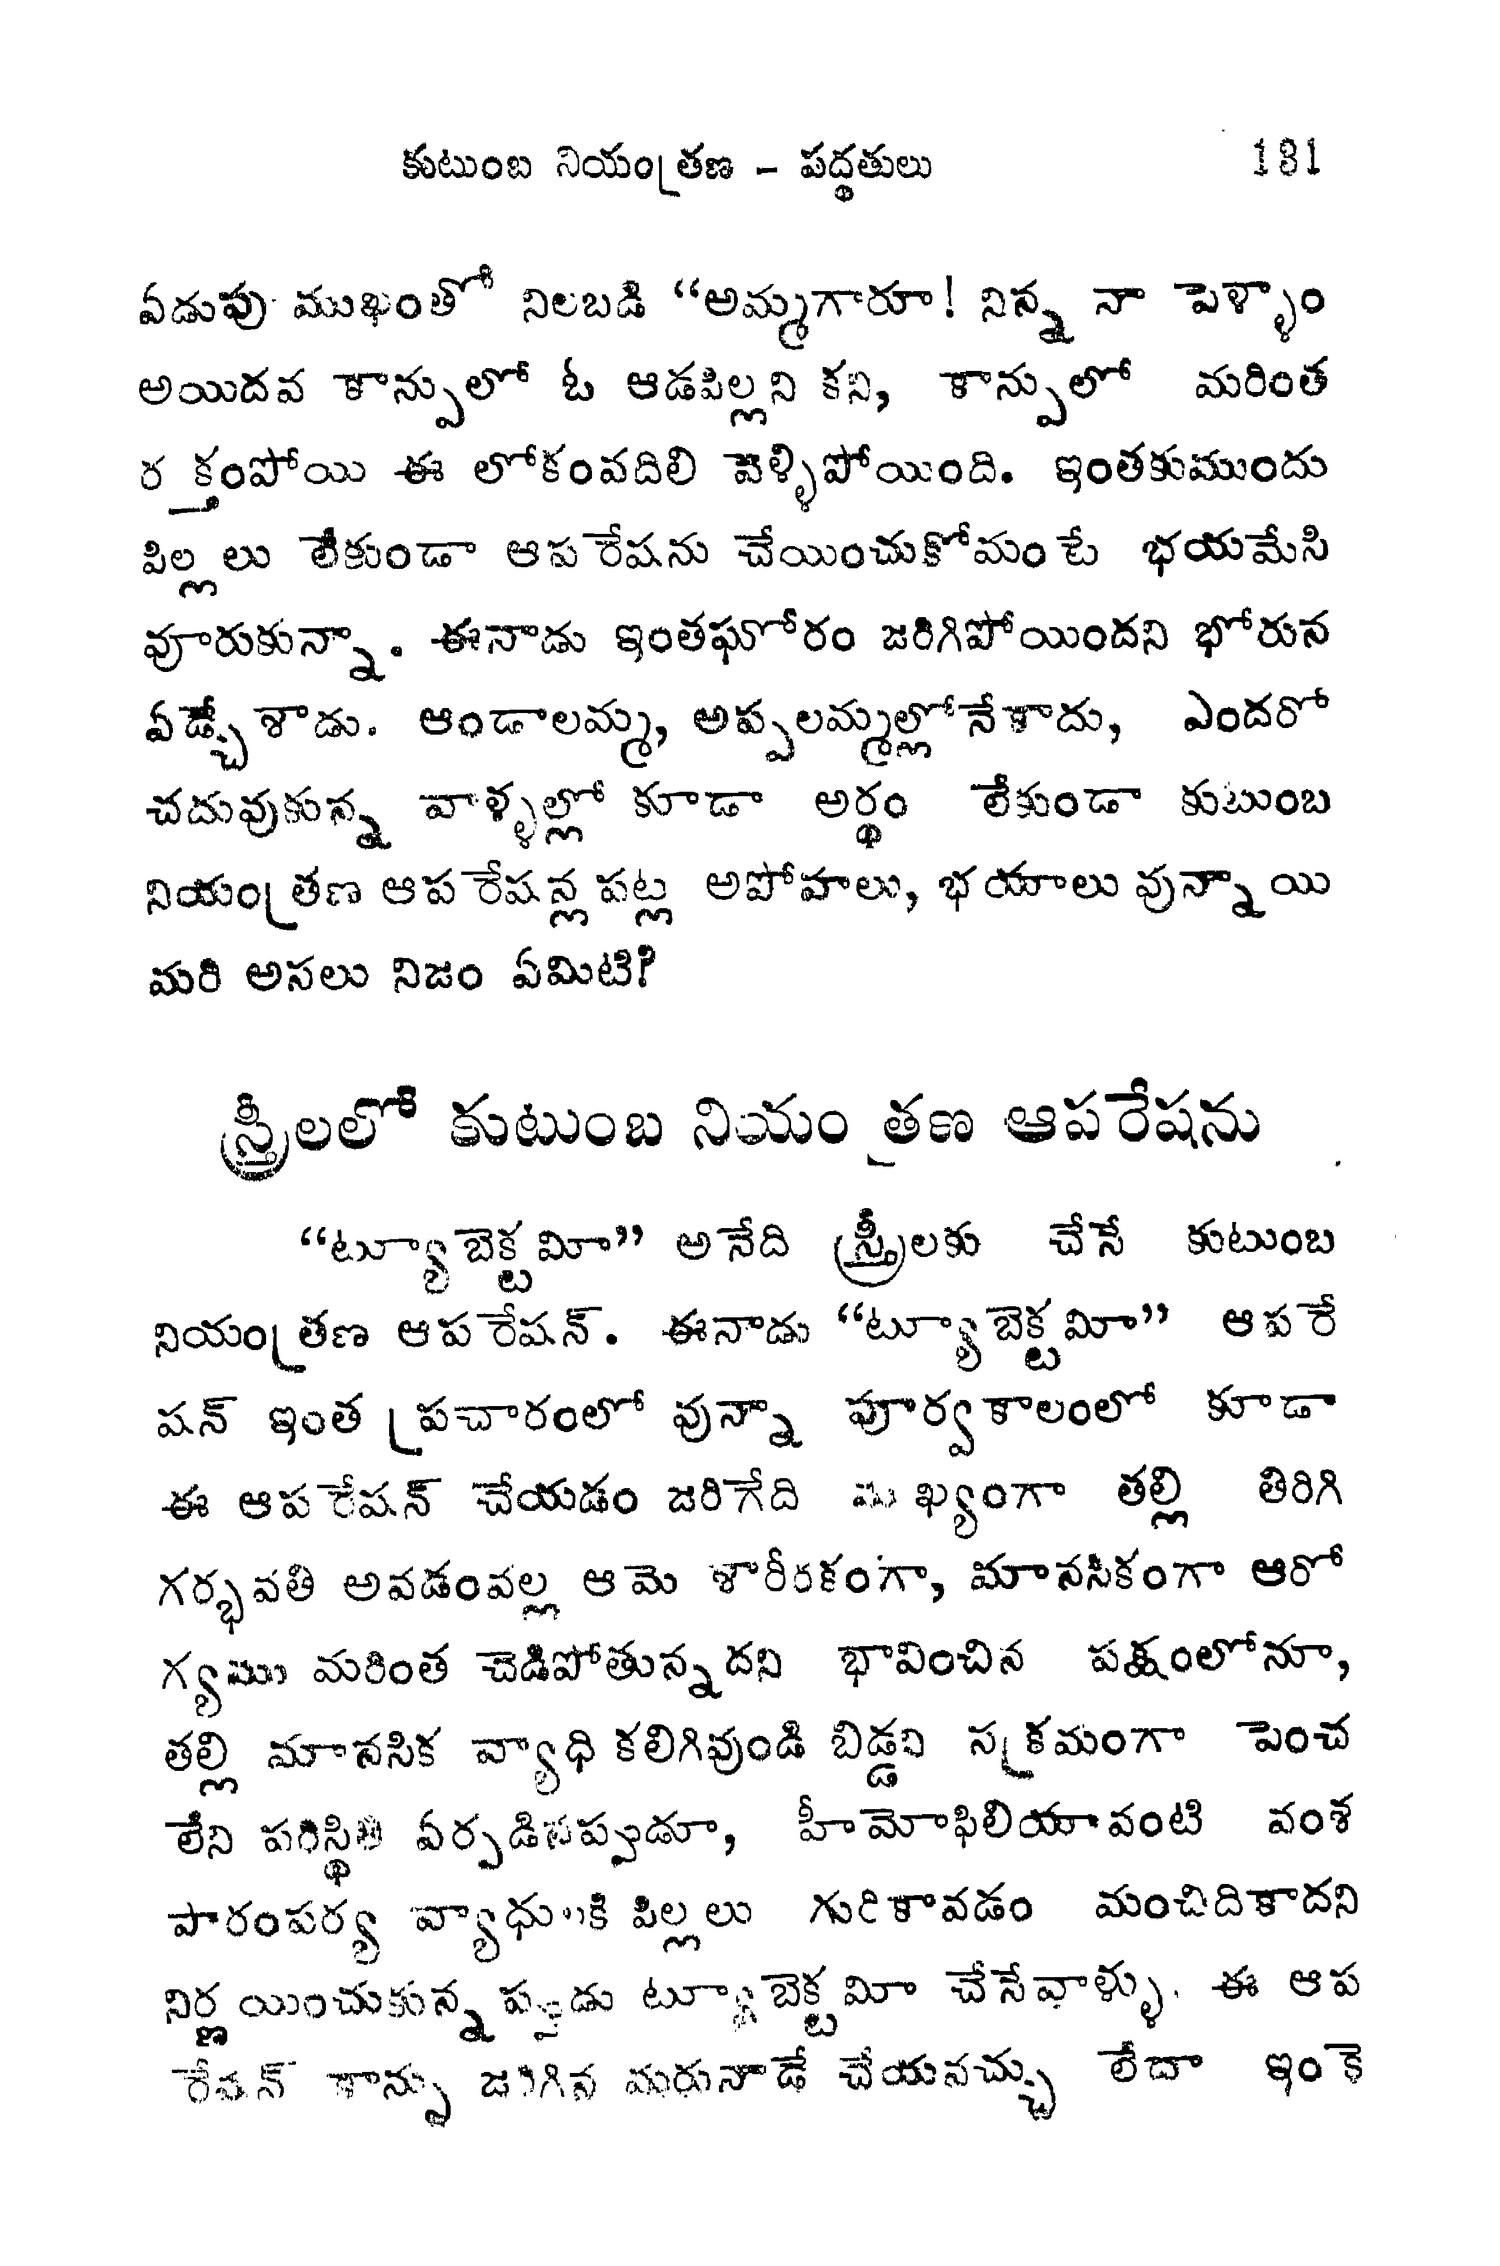ఏడుపు ముఖంతో నిలబడి "అమ్మగారూ ! నిన్న నా పెళ్ళాం అయిదవ కాన్పులో ఓ ఆడపిల్లని కని, కాన్పులో మరింత రక్తంపోయి ఈ లోకంవదిలి వెళ్ళిపోయింది. ఇంతకుముందు పిల్లలు లేకుండా ఆపరేషను చేయించుకోమంటే భయమేసి వూరుకున్నా. ఈనాడు ఇంతఘోరం జరిగిపోయిందని భోరున ఏడ్ఛేశాడు. ఆండాలమ్మ, అప్పలమ్మల్లోనేకాదు, ఎందరో చదువుకున్న వాళ్ళల్లో కూడా అర్ధం లేకుండా కుటుంబ నియంత్రణ ఆపరేషన్లపట్ల ఆపోహలు, భయాలు వున్నాయి మరి అసలు నిజం ఏమిటి?

"ట్యూబెక్టమీ" అనేది స్త్రీలకు చేసే కుటుంబ నియంత్రణ ఆపరేషన్. ఈనాడు "ట్యూబెక్టమీ" ఆపరేషన్ ఇంత ప్రచారంలోవున్నా పూర్వకాలంలో కూడా ఈ ఆపరేషన్ చేయడం జరిగేది ముఖ్యంగా తల్లి తిరిగి గర్భవతి అవడంవల్ల ఆమె శారీరకంగా, మానసికంగా ఆరోగ్యము మరింత చెడిపోతున్నదని భావించిన పక్షంలోనూ, తల్లి మానసిక వ్యాధి కలిగివుండి బిడ్డని సక్రమంగా పెంచలేని పరిస్థితి ఏర్పడినప్పుడూ, హీమోఫిలియావంటి వంశ పారంపర్య వ్యాధులకి పిల్లలు గురికావడం మంచిగికాదని నిర్ణయించుకున్నప్పుడు ట్యూబెక్టమీ చేసేవాళ్ళు ఈ ఆపరేషన్ కాన్పు జరిగిన మరునాడే చేయవచ్చు లేదా ఇంకె